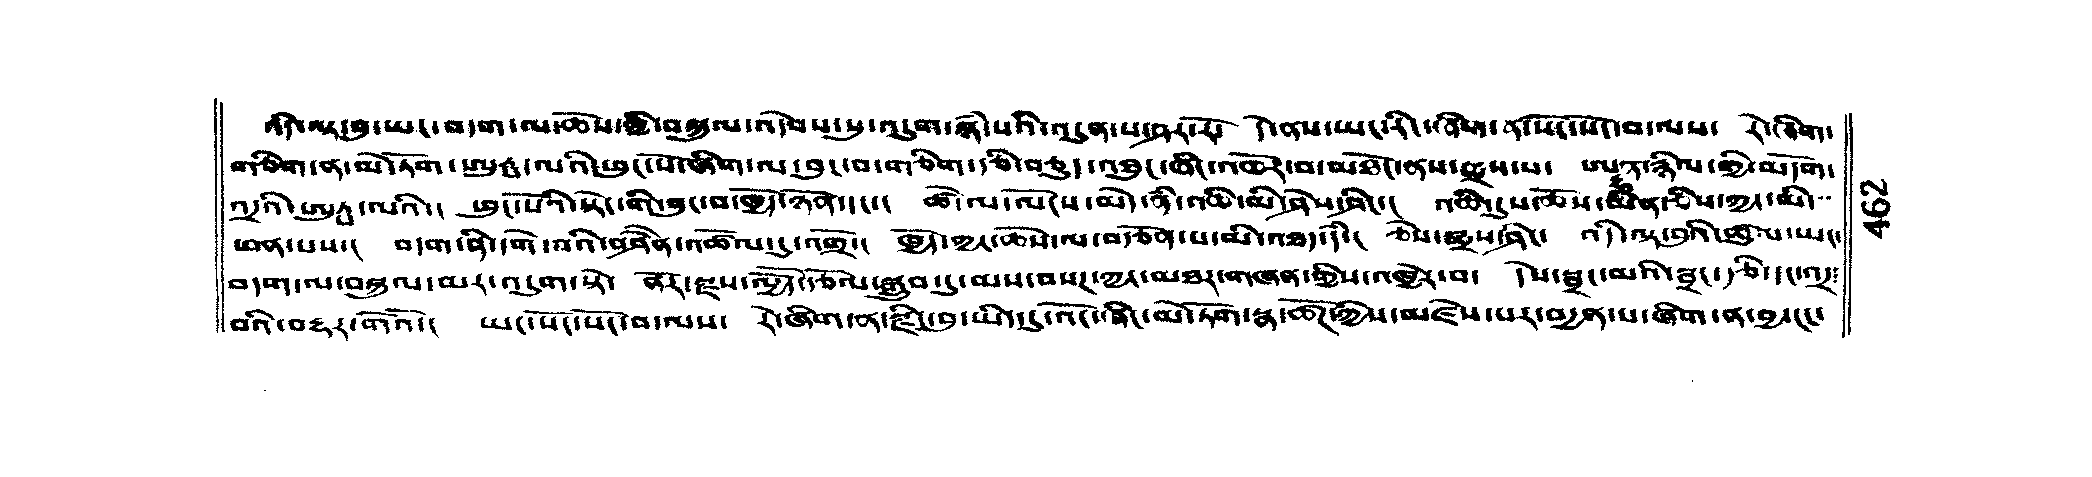འདི་ལྟ་བུ་ཡང་བདག་ལ་ཆོས་ཀྱི་བསྐུལ་འདེབས་སུ་འདུག་སྙམ་པའི་འདུན་པ་ཤར་རོ། དེ་ནས་ཡང་རིང་ཞིག་ན་སོང་སོང་བ་ལས། རེ་ཞིག་
གཅིག་ན་མེ་ཏོག་ཨུཏྤ་ལའི་ཕུང་པོ་ཞིག་ལ་བུང་བ་ཞིག་རྩི་བཅུད་འཐུང་ཞིང་འཁོར་བ་མཐོང་ནས་སྨྲས་པ། ཨིནྡྲ་རྙིལ་གྱི་མདོག་
འདྲའི་ཨུཏྤ་ལའི། །ཕུང་པོའི་སྟེང་གི་བུང་བ་ཁྱོད་ཉོན་དང་། །ཚེ་ལ་ལོང་མེད་ནམ་འཆི་མི་ཤེས་ཤིང་། །འཆི་དུས་ཆོས་མིན་ཅིས་ཀྱང་མི་
ཕན་པས། །བདག་ནི་དགེ་བའི་བཤེས་གཉེན་འཚོལ་དུ་འགྲོ། །ཁྱེད་ཀྱང་ཆོས་ལ་བརྩོན་པ་མི་འཐད་དམ། ཞེས་སྨྲས་ཤིང་། འདི་ལྟ་བུའི་ཚུལ་ཡང་
བདག་ལ་བསྐུལ་མར་འདུག་སྟེ། ནོར་རྫས་ལོངས་སྤྱོད་རྩོལ་སྒྲུབ་དུ་མས་བསགས་ཀྱང་མཐར་གཞན་གྱིས་འཁྱེར་བ། དེས་སྦྲང་མའི་སྦྲང་རྩི་དང་འདྲ་
བའི་བརྡར་གོའོ། ཡང་སོང་སོང་བ་ལས། རེ་ཞིག་ན་རྗིང་བུ་ཡིད་དུ་འོང་ཞིང་མེ་ཏོག་སྣ་ཚོགས་ཀྱིས་མཛེས་པར་བརྒྱན་པ་ཞིག་ན་བྱ་ངང་